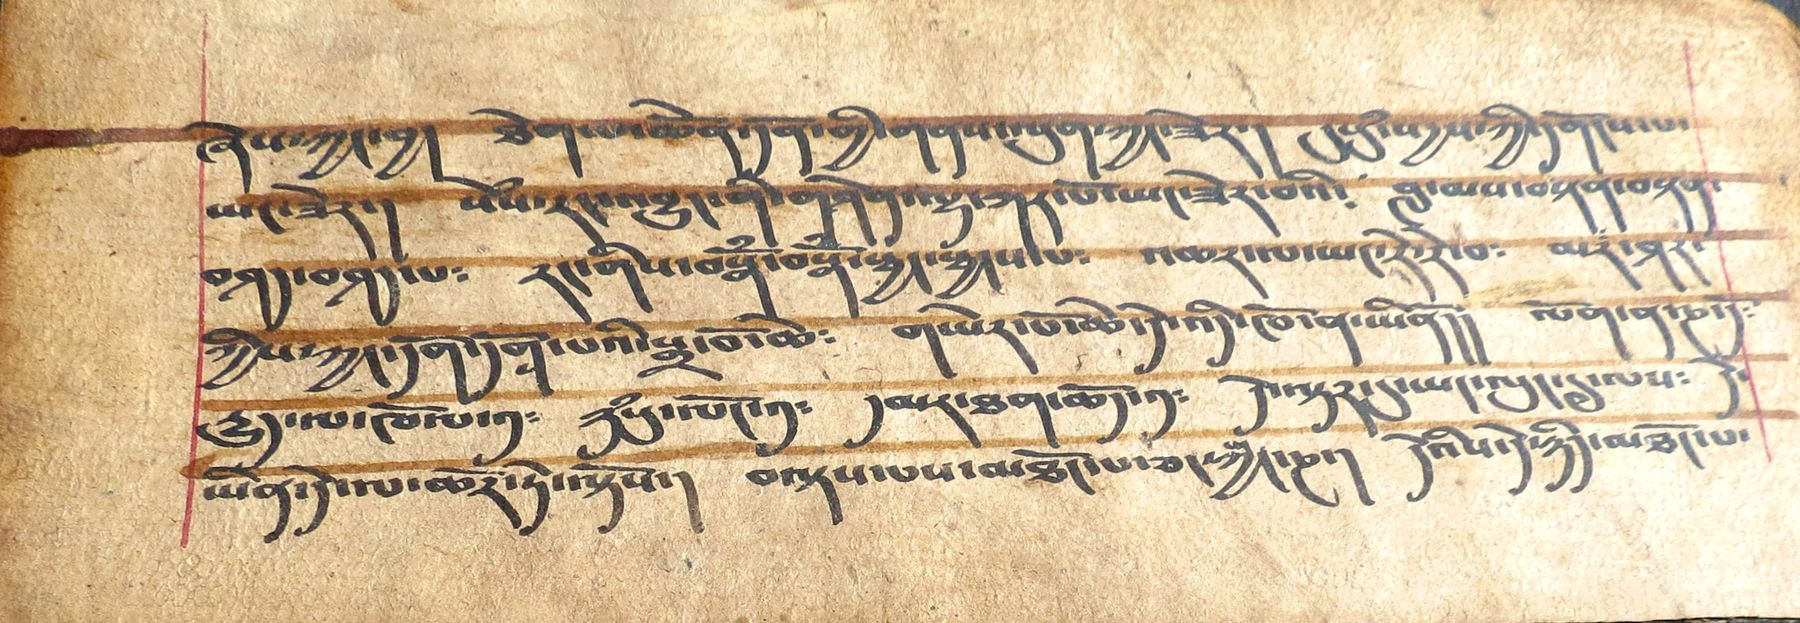ཞེས་ཀྱང་བྱ། ཐེག་པ་ཆེན་པོ་དོན་གྱི་གནས་ལུགས་ཀྱང་ཟེར། དུས་གསུམ་སངས་རྒྱས་ཀྱི་དགོངས་པ་
ཡང་ཟེར། སེམས་རང་འབྱུང་གི་གཤེན་ལྷ་དཀར་པོ་ཡང་ཟེར་བས་བླ་མས་བསྟན་བསྟན་
བཤད་བཤད་པ་རང་གིས་བསྒོམས་བསྒོམས་སྦྱངས་སྦྱངས་པོ། འཆར་ལའང་རེ་རེ་བ། མ་ཤར་
གྱིས་ཀྱང་དོགས་དོགས་པའི་སྒྲའོ་ཆེ། གཡེར་པོ་ཆེ་དེ་ནི་འདི་ཁོ་ན་ཡིན་ནོ། ལོགས་ན་མེད་དོ་
རྒྱུད་ལ་ཁོལ་ཅིག ཉམས་སུ་ལོངས་ཤིག དམར་ཐག་ཆོད་ཅིག དེ་ལྟར་དུ་ཡང་ལུང་དྲུག་ལས། དེ་
ཡིན་དེ་ལ་ཆོར་ཏེ་ལྟོས། བལྟས་པས་མཐོང་བ་ཅི་ཡང་མེད། དེ་ཡིས་དེ་ཉིད་མཐོང་བ་